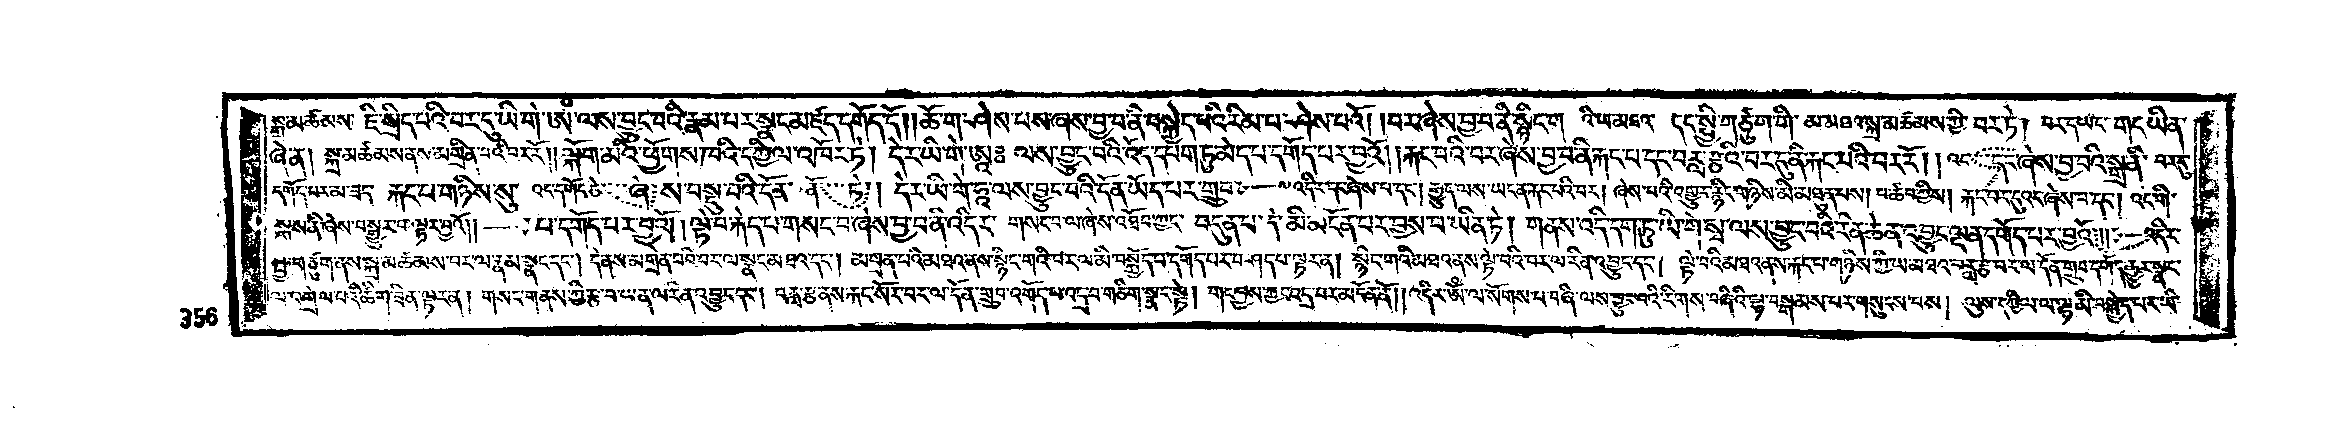སྐྲ་མཚམས་ཇི་སྲིད་པའི་བར་དུ་ཡི་གེ་ཨོཾ་ལས་བྱུང་བའི་རྣམ་པར་སྣང་མཛད་དགོད་དོ། །ཆོ་ག་ཤེས་པས་ཞེས་བྱ་བ་ནི་བསྐྱེད་པའི་རིམ་པ་ཤེས་པའོ། །བར་ཞེས་བྱ་བ་ནི་སྙིང་གའི་ཡ་མཐའ་དང་སྤྱི་གཙུག་གི་མ་མཐའ་སྐྲ་མཚམས་ཀྱི་བར་ཏེ། བར་དེ་ཡང་གང་ཡིན་
ཞེ་ན། སྐྲ་མཚམས་ནས་མགྲིན་པའི་བར་རོ། །  ལྐོག་མའི་ཕྱོགས་ཁའི་དཀྱིལ་འཁོར་ཏེ། དེར་ཡི་གེ་ཨཱཿ ལས་བྱུང་བའི་འོད་དཔག་ཏུ་མེད་པ་དགོད་པར་བྱའོ། །རྐང་པའི་བར་ཞེས་བྱ་བ་ནི་རྐང་པ་དང་བརླ་རྩའི་བར་དུ་ནི་རྐང་པའི་བར་རོ། ། འང་དང་ཞེས་བྱ་བའི་སྒྲ་ནི་བར་དུ་
དགོད་པར་མ་ཟད་རྐང་པ་གཉིས་སུ་འང་དགོད་ཅེ་ཞེས་བསྡུ་བའི་དོན་ནོ་ཏེ། དེར་ཡི་གེ་ཧཱ་ལས་བྱུང་བའི་དོན་ཡོད་པར་གྲུབཿ་༧འདིར་དང་ཞེས་པ་དང་། རྒྱུད་ལས་ཡང་ན་རྐང་པའི་བར། ཞེས་པའི་འགྱུར་རྙིང་གཉིས་མི་མཐུན་པས། པ་ཚབ་ཀྱིས། རྐང་བར་དུའང་ཞེས་པ་དང་། འང་གི་
སྐྲས་ནི་ཞེས་བསྒྱུར་བ་ལྟར་བྱའོ།།.H པ་དགོད་པར་བྱའོ། །ལྟེ་བ་རྐེད་པ་གསང་བ་ཞེས་བྱ་བ་ནི་འདིར་གསང་བ་ལ་ཞེས་འཐོབ་ཀྱང་བདུན་པ་དེ་མི་མངོན་པར་བྱས་པ་ཡིན་ཏེ། གནས་འདི་དག་ཏུ་ཡི་གེ་སྭ་ལས་བྱུང་བའི་རིན་ཆེན་འབྱུང་ལྡན་དགོད་པར་བྱའོ།།H.་འདིར་
སྤྱི་གཙུག་ནས་སྐྲ་མཚམས་པར་ལ་རྣམ་སྣང་དང་། དེ་ནས་མགྲེན་པའི་བར་ལ་སྣང་མཐའ་དང་། མགྲན་པའི་མཐའ་ནས་སྙིང་གའི་བར་ལ་མི་བསྐྱོད་པ་དགོད་པར་བཤད་པ་ལྟར་ན། སྙིང་གའི་མཐའ་ནས་ལྟེ་བའི་བར་ལ་རིན་འབྱུང་དང་། ལྟེ་བའི་མཐའ་ནས་རྐང་པ་གཉིས་ཀྱི་ཡ་མཐའ་བྲལ་རྩ་བར་ལ་དོན་གྲུབ་དགོད་རྒྱུར་སྣང་
ལ་འགྲོལ་པའི་ཚིག་ཟིན་ལྟར་ན། གསང་གནས་ཀྱི་རྩ་བ་ཡན་ལ་རིན་འབྱུང་དང་། བྲལ་རྩ་ནས་རྐང་སོར་བར་ལ་དོན་གྲུབ་འགོད་པ་འདྲ་བ་གཅིག་སྣང་སྟེ། གང་བྱས་ཀྱང་འདྲ་བར་མངོན་ནོ། །འདིར་ཨོཾ་ལ་སོགས་པ་བཞི་ལས་བྱུང་བའི་རིགས་བཞིའི་ལྷ་བསྒོམས་པར་གསུངས་པས། ལུས་དཀྱིལ་ལ་ལྷ་མི་བསྐྱེད་པར་ཡི་